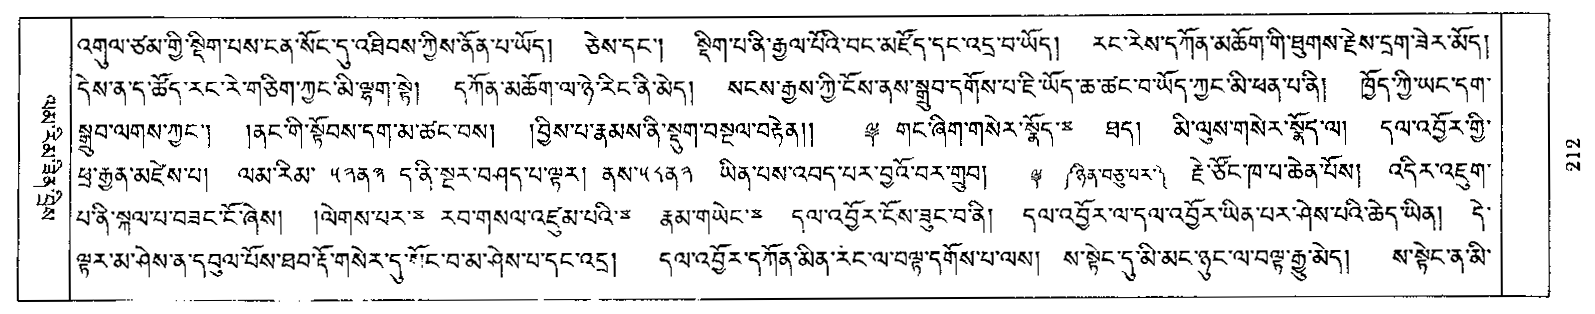འགུལ་ཙམ་གྱི་སྡིག་པས་ངན་སོང་དུ་འཐིབས་ཀྱིས་ནོན་པ་ཡོད། ཅེས་དང་། སྡིག་པ་ནི་རྒྱལ་པོའི་བང་མཛོད་དང་འདྲ་བ་ཡོད། རང་རེས་དཀོན་མཆོག་གི་ཐུགས་རྗེས་དྲག་ཟེར་མོད།
དེས་ན་ད་ཚོད་རང་རེ་གཅིག་ཀྱང་མི་ལྷག་སྟེ། དཀོན་མཆོག་ལ་ཉེ་རིང་ནི་མེད། སངས་རྒྱས་ཀྱི་ངོས་ནས་སྒྲུབ་དགོས་པ་ཇི་ཡོད་ཆ་ཚང་བ་ཡོད་ཀྱང་མི་ཕན་པ་ནི། ཁྱོད་ཀྱི་ཡང་དག་
སྒྲུབ་ལགས་ཀྱང་། །ནང་གི་སྟོབས་དག་མ་ཚང་བས། །བྱིས་པ་རྣམས་ནི་སྡུག་བསྔལ་བརྟེན།། ༈ གང་ཞིག་གསེར་སྣོད་ཐད། མི་ལུས་གསེར་སྣོད་ལ། དལ་འབྱོར་གྱི་
ཕྲ་རྒྱན་མཛེས་པ། ལམ་རིམ ༥༢་ན ༣་ད་ནི་སྔར་བཤད་པ་ལྟར། ནས ༥༨་ན ༢་ཡིན་པས་འབད་པར་བྱའོ་བར་གྲུབ། ༈ ཉིན་བཅུ་པར྄་རྗེ་ཙོང་ཁ་པ་ཆེན་པོས། འདིར་འཇུག་
པ་ནི་སྐལ་པ་བཟང་ངོ་ཞེས། །ལེགས་པར་རབ་གསལ་འཛུམ་པའི་རྣམ་གཡེང་དལ་འབྱོར་ངོས་ཟུང་བ་ནི། དལ་འབྱོར་ལ་དལ་འབྱོར་ཡིན་པར་ཤེས་པའི་ཆེད་ཡིན། དེ་
ལྟར་མ་ཤེས་ན་དབུལ་པོས་ཐབ་རྡོ་གསེར་དུ་སོང་བ་མ་ཤེས་པ་དང་འདྲ། དལ་འབྱོར་དཀོན་མིན་རང་ལ་བལྟ་དགོས་པ་ལས། ས་སྟེང་དུ་མི་མང་ཉུང་ལ་བལྟ་རྒྱུ་མེད། ས་སྟེང་ན་མི་